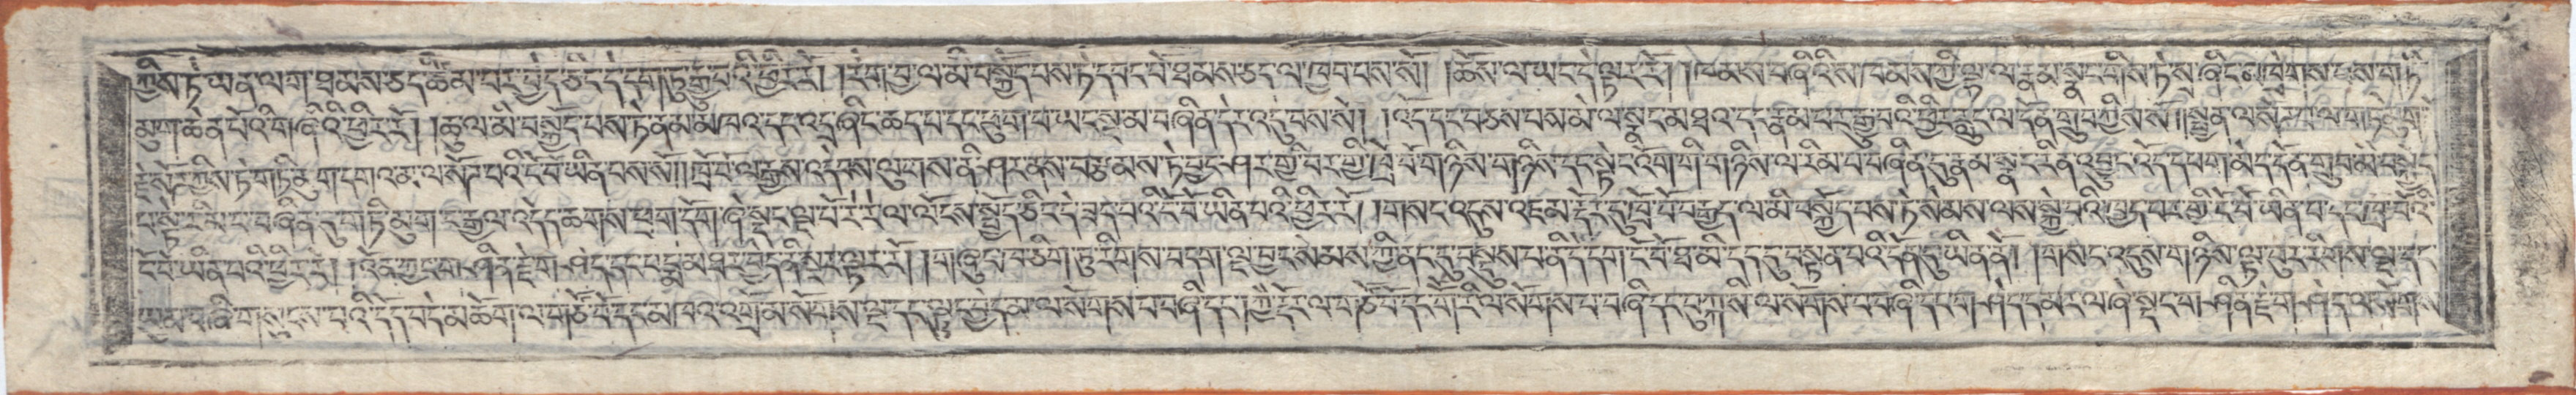ཀྱིས་ཏེ་ཡན་ལག་ཐམས་ཅད་ཚིམ་པར་བྱེད་ཅིང་དེ་དག་ཏུ་རྒྱུ་བའི་ཕྱིར་རོ། །རེག་བྱ་ལ་མི་བསྐྱོད་པས་ཏེ་དབང་པོ་ཐམས་ཅད་ལ་ཁྱབ་པས་སོ། །ཆོས་ལ་ཡང་དེ་ལྟར་རོ། །ཁམས་བཞིའི་ས་ཁམས་ཀྱི་ལྷ་ལ་རྣམ་སྣང་གིས་ཏེ་སྲ་ཞིང་མཁྲེགས་པས་གཏི་
མུག་ཆེན་པོའི་གཞིའི་ཕྱིར་རོ། །ཆུ་ལ་མི་བསྐྱོད་པས་ཏེ་ནམ་མཁའ་དང་འདྲ་ཞིང་ཆད་པ་དང་ཕུག་པ་ཡང་སྔ་མ་བཞིན་དེར་འདུ་བས་སོ། །འོད་དང་བཅས་པས་མེ་ལ་སྣང་མཐའ་དང་རྣམ་པར་རྒྱུ་བའི་ཕྱིར་རླུང་ལ་དོན་གྲུབ་ཀྱིས་སོ། །སྤྱན་ལ་སོགས་པ་ལ་གཏི་མུག་རྡོ་
རྗེ་སོགས་ཀྱིས་ཏེ་གཏི་མུག་དགའ་མ་ལ་སོགས་པའི་ངོ་བོ་ཡིན་པས་སོ། །ཁྲོ་བོ་ལ་རྒྱས་འདེབས་ལུགས་ནི་ཤར་ནས་བརྩམས་ཏེ་བྱང་ཤར་གྱི་བར་གྱི་ཁྲོ་བོ་གཉིས་གཉིས་དང་སྟེང་འོག་གི་གཉིས་ལ་རིམ་པ་བཞིན་དུ་རྣམ་སྣང་རིན་འབྱུང་འོད་དཔག་མེད་དོན་གྲུབ་མི་བསྐྱེད་
པ་སྟེ་རིམ་པ་བཞིན་དུ་གཏི་མུག་ང་རྒྱལ་འདོད་ཆགས་ཕྲག་དོག་ཞེ་སྡང་ལྔ་པོ་རེ་རེ་ལ་ལོངས་སྤྱོད་ཅིང་དེ་ཟད་པའི་ངོ་བོ་ཡིན་པའི་ཕྱིར་རོ། །གསང་འདུས་འཇམ་རྡོར་དུ་ཁྲོ་བོ་བརྒྱད་ལ་མི་བསྐྱེད་པས་ཏེ་སེམས་ལས་སྐྱེ་བའི་ཁྱད་པར་གྱི་ངོ་བོ་ཡིན་པ་དང་ཁྲོ་བོའི་
ངོ་བོ་ཡིན་པའི་ཕྱིར་རོ། །འོན་ཀྱང་གཤིན་རྗེ་གཤེད་དང་པདམ་མཐར་བྱེད་ནི་སྔར་ལྟར་རོ། །གཞུང་ཁ་ཅིག་ཏུ་རིགས་བདག་ལྔ་བྱང་སེམས་ཀྱི་ནང་དུ་བསྡུས་པ་ནི་དེ་དག་ངོ་བོ་ཐ་མི་དད་དུ་བསྟན་པའི་དོན་དུ་ཡིན་ནོ། །གསང་འདུས་གཉིས་ལྟ་བུར་རིགས་ལྔ་དང་
ཡུམ་བཞི་གསུངས་པའི་དོད་བདེ་མཆོག་ལ་གཙོ་བོ་དང་མཁའ་འགྲོ་མ་སོགས་ལྔ་དང་ལྟུང་བྱེད་མ་ལ་སོགས་པ་བཞི་དང་། ཀྱཻ་རྡོར་ལ་གཙོ་བོ་དང་གཽ་རི་ལ་སོགས་པ་བཞི་དང་པུཀྐ་སི་ལ་སོགས་པ་བཞི་དང་གཤེད་དམར་ལ་ཞེ་སྡང་གཤིན་རྗེ་གཤེད་ལ་སོགས་